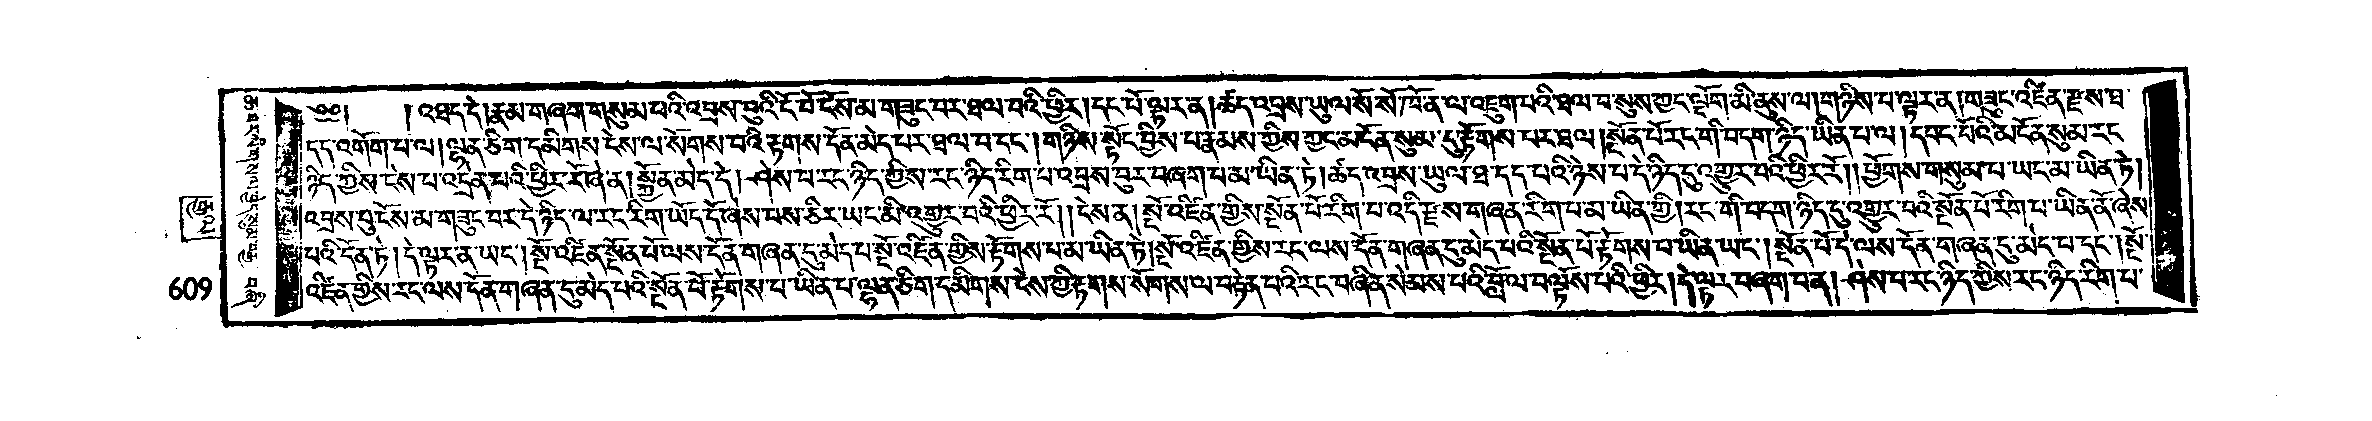༄༅། །འཐད་དེ། རྣམ་གཞག་གསུམ་པའི་འབྲས་བུའི་ངོ་བོ་ངོས་མ་གཟུང་བར་ཐལ་བའི་ཕྱིར། དང་པོ་ལྟར་ན། ཚད་འབྲས་ཡུལ་སོ་སོ་ཁོ་ན་ལ་འཇུག་པའི་ཐལ་བ་སུས་ཀྱང་ལྡོག་མི་ནུས་ལ། གཉིས་པ་ལྟར་ན། གཟུང་འཛིན་རྫས་ཐ་
དད་འགོག་པ་ལ། ལྷན་ཅིག་དམིགས་ངེས་ལ་སོགས་པའི་རྟགས་དོན་མེད་པར་ཐལ་བ་དང་། གཉིས་སྟོང་བྱིས་པ་རྣམས་ཀྱིས་ཀྱང་མངོན་སུམ་དུ་རྟོགས་པར་ཐལ། སྔོན་པོ་རང་གི་བདག་ཉིད་ཡིན་པ་ལ། དབང་པོའི་མངོན་སུམ་རང་
ཉིད་ཀྱིས་ངེས་པ་འདྲེན་པའི་ཕྱིར་རོ་ཞེ་ན། སྐྱོན་མེད་དེ། ཤེས་པ་རང་ཉིད་ཀྱིས་རང་ཉིད་རིག་པ་འབྲས་བུར་བཞག་པ་མ་ཡིན་ཏེ། ཚད་འབྲས་ཡུལ་ཐ་དད་པའི་ཉེས་པ་དེ་ཉིད་དུ་འགྱུར་བའི་ཕྱིར་རོ། །ཕྱོགས་གསུམ་པ་ཡང་མ་ཡིན་ཏེ།
འབྲས་བུ་ངོས་མ་གཟུང་བར་དེ་ཉིད་ལ་རང་རིག་ཡོད་དོ་ཞེས་པས་ཅིར་ཡང་མི་འགྱུར་བའི་ཕྱིར་རོ། །དེས་ན། སྔོ་འཛིན་གྱིས་སྔོན་པོ་རིག་པ་འདི་རྫས་གཞན་རིག་པ་མ་ཡིན་གྱི། རང་གི་བདག་ཉིད་དུ་འགྱུར་བའི་སྔོན་པོ་རིག་པ་ཡིན་ནོ་ཞེས་
པའི་དོན་ཏེ། དེ་ལྟར་ན་ཡང་། སྔོ་འཛིན་སྔོན་པོ་ལས་དོན་གཞན་དུ་མེད་པ་སྔོ་འཛིན་གྱིས་རྟོགས་པ་མ་ཡིན་ཏེ། སྔོ་འཛིན་གྱིས་རང་ལས་དོན་གཞན་དུ་མེད་པའི་སྔོན་པོ་རྟོགས་པ་ཡིན་ཡང་། སྔོན་པོ་དེ་ལས་དོན་གཞན་དུ་མེད་པ་དང་།སྔོ་
འཛིན་གྱིས་རང་ལས་དོན་གཞན་དུ་མེད་པའི་སྔོན་པོ་རྟོགས་པ་ཡིན་པ་ལྷན་ཅིག་དམིགས་ངེས་ཀྱི་རྟགས་སོགས་ལ་བརྟེན་པའི་རང་བཞིན་སེམས་པའི་བློ་ལ་བལྟོས་པའི་ཕྱིར། དེ་ལྟར་བཞག་པ་ན། ཤེས་པ་རང་ཉིད་ཀྱིས་རང་ཉིད་རིག་པ་